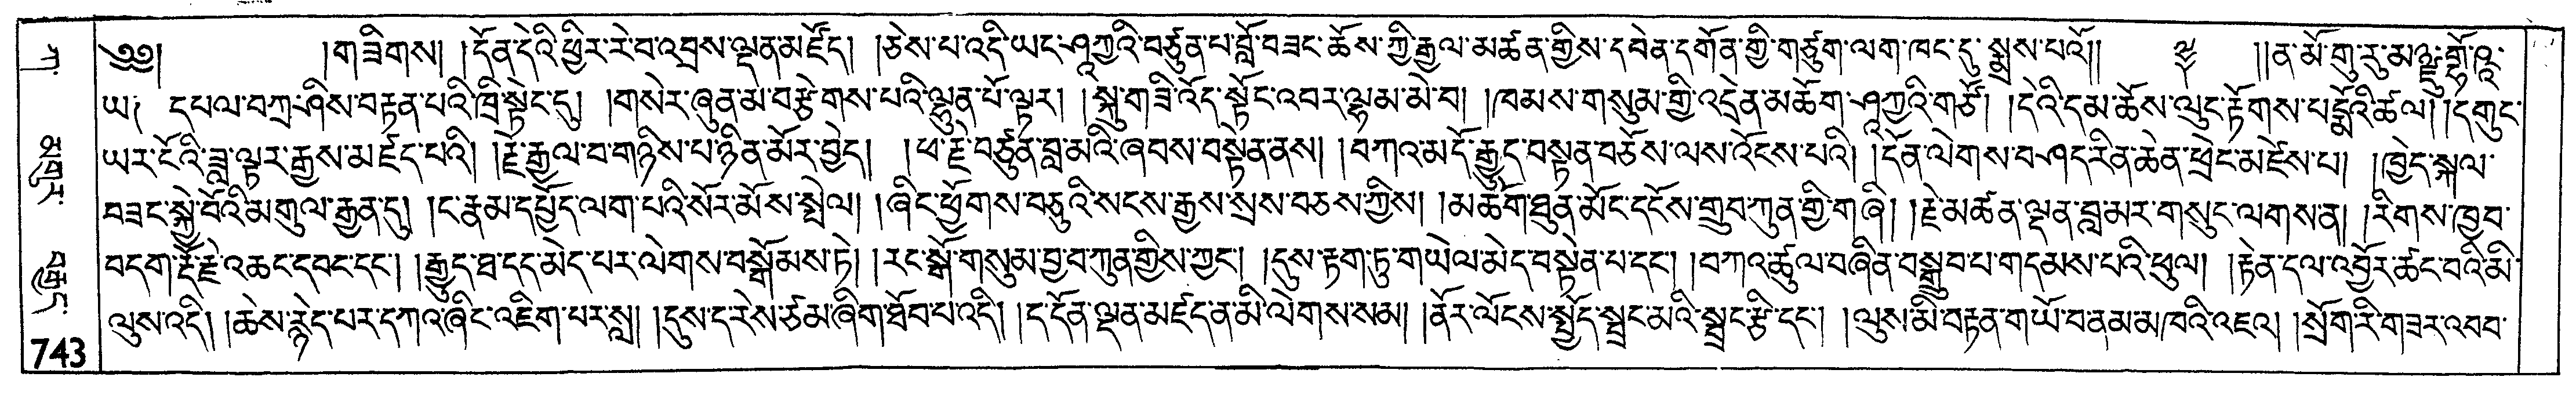༄༅། །གཟིགས། །དོན་དེའི་ཕྱིར་རེ་བ་འབྲས་ལྡན་མཛོད། །ཅེས་པ་འདི་ཡང་ཤཱཀྱའི་བཙུན་པ་བློ་བཟང་ཆོས་ཀྱི་རྒྱལ་མཚན་གྱིས་དབེན་དགོན་གྱི་གཙུག་ལག་ཁང་དུ་སྨྲས་པའོ།། ༈ །།ན་མོ་གུ་རུ་མཉྫུ་གྷོ་ཥཱ་
ཡ༑ དཔལ་བཀྲ་ཤིས་བརྟན་པའི་ཁྲི་སྟེང་དུ། །གསེར་ཞུན་མ་བརྩེགས་པའི་ལྷུན་པོ་ལྟར། །སྐུ་གཟི་འོད་སྟོང་འབར་ལྷམ་མེ་བ། །ཁམས་གསུམ་གྱི་འདྲེན་མཆོག་ཤཱཀྱའི་གཙོ། །དེའི་དམ་ཆོས་ལུང་རྟོགས་པདམོའི་ཚལ། །དགུང་
ཡར་ངོའི་ཟླ་ལྟར་རྒྱས་མཛད་པའི། །རྗེ་རྒྱལ་བ་གཉིས་པ་ཉིན་མོར་བྱེད། །ཕ་རྗེ་བཙུན་བླ་མའི་ཞབས་བསྟེན་ནས། །བཀའ་མདོ་རྒྱུད་བསྟན་བཅོས་ལས་འོངས་པའི། །དོན་ལེགས་བཤད་རིན་ཆེན་ཕྲེང་མཛེས་པ། །ཁྱེད་སྐལ་
བཟང་སྐྱེ་བོའི་མགུལ་རྒྱན་དུ། །ང་རྣམ་དཔྱོད་ལག་པའི་སོར་མོས་སྤེལ། །ཞིང་ཕྱོགས་བཅུའི་སངས་རྒྱས་སྲས་བཅས་ཀྱིས། །མཆོག་ཐུན་མོང་དངོས་གྲུབ་ཀུན་གྱི་གཞི། །རྗེ་མཚན་ལྡན་བླ་མར་གསུང་ལགས་ན། །རིགས་ཁྱབ་
བདག་རྡོ་རྗེ་འཆང་དབང་དང་། །རྒྱུད་ཐ་དད་མེད་པར་ལེགས་བསྒོམས་ཏེ། །རང་སྒོ་གསུམ་བྱ་བ་ཀུན་གྱིས་ཀྱང་། །དུས་རྟག་ཏུ་གཡེལ་མེད་བསྟེན་པ་དང་། །བཀའ་ཚུལ་བཞིན་བསྒྲུབ་པ་གདམས་པའི་ཕུལ། །རྟེན་དལ་འབྱོར་ཚང་བའི་མི་
ལུས་འདི། །ཆེས་རྙེད་པར་དཀའ་ཞིང་འཇིག་པར་སླ། །དུས་ད་རེས་ཙམ་ཞིག་ཐོབ་པ་འདི། །ད་དོན་ལྡན་མཛད་ན་མི་ལེགས་སམ། །ནོར་ལོངས་སྤྱོད་སྦྲང་མའི་སྦྲང་རྩི་དང་། །ལུས་མི་བརྟན་གཡོ་བ་ནམ་མཁའི་འཇའ། །སྲོག་རི་གཟར་འབབ་